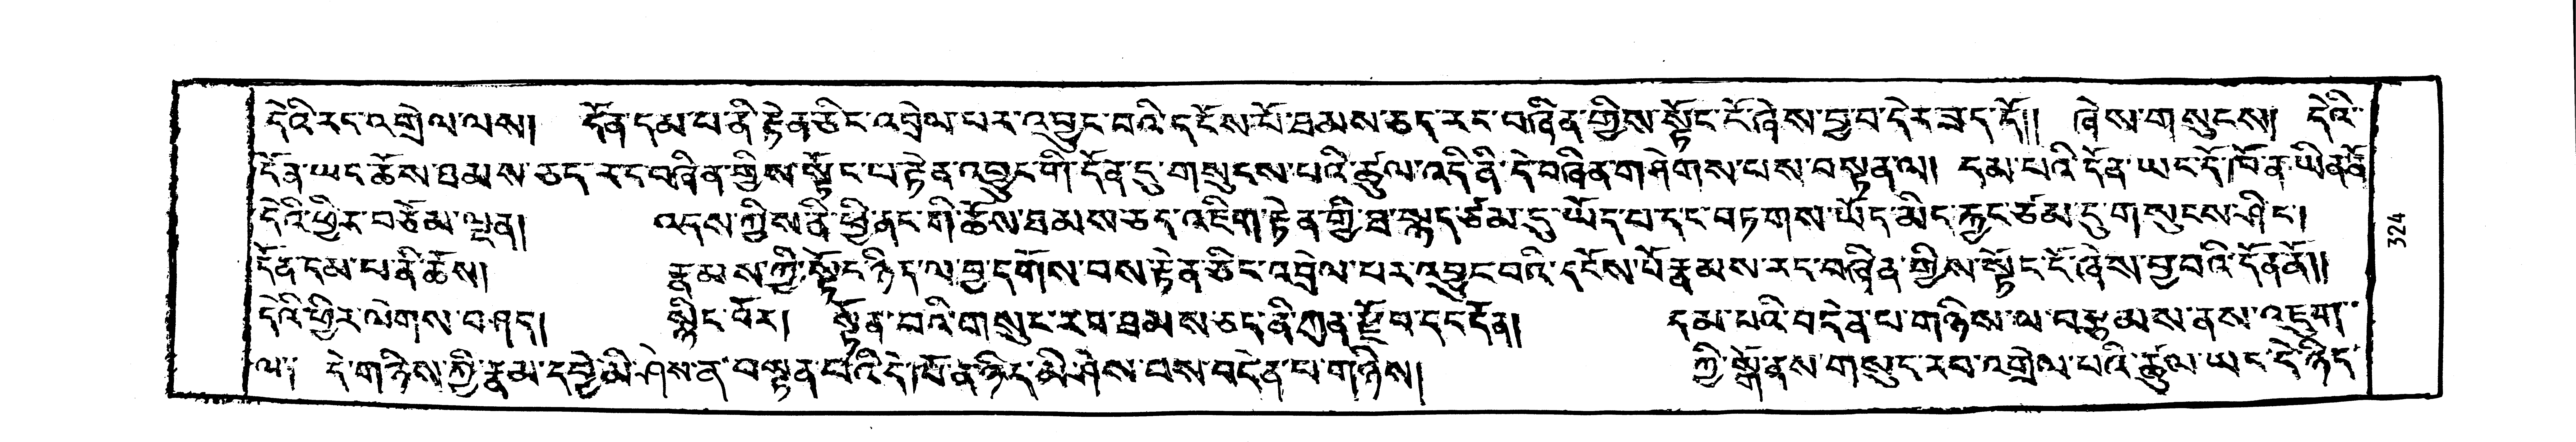དེའི་རང་འགྲེལ་ལས། དོན་དམ་པ་ནི་རྟེན་ཅིང་འབྲེལ་པར་འབྱུང་བའི་དངོས་པོ་ཐམས་ཅད་རང་བཞིན་གྱིས་སྟོང་ངོ་ཞེས་བྱ་བ་དེར་ཟད་དོ། །ཞེས་གསུངས། དེའི་
དོན་ཡང་ཆོས་ཐམས་ཅད་རང་བཞིན་གྱིས་སྟོང་པ་རྟེན་འབྱུང་གི་དོན་དུ་གསུངས་པའི་ཚུལ་འདི་ནི་དེ་བཞིན་གཤེགས་པས་བསྟན་ལ། དམ་པའི་དོན་ཡང་དོ་ཁོ་ན་ཡིན་ནོ་
དེའི་ཕྱིར་བཅོམ་ལྡན། འདས་ཀྱིས་ནི་ཕྱི་ནང་གི་ཆོས་ཐམས་ཅད་འཇིག་རྟེན་གྱི་ཐ་སྙད་ཙམ་དུ་ཡོད་པ་དང་བཏགས་ཡོད་མིང་རྐྱང་ཙམ་དུ་གསུངས་ཤིང་།
དོན་དམ་པ་ནི་ཆོས། རྣམས་ཀྱི་སྟོང་ཉིད་ལ་བྱ་དགོས་བས་རྟེན་ཅིང་འབྲེལ་པར་འབྱུང་བའི་དངོས་པོ་རྣམས་རང་བཞིན་གྱིས་སྟོང་ངོ་ཞེས་བྱ་བའི་དོན་ནོ། །
དེའི་ཕྱིར་ལེགས་བཤད། སྙིང་པོར། སྟོན་པའི་གསུང་རབ་ཐམས་ཅད་ནི་ཀུན་རྫོབ་དང་དོན། དམ་པའི་བདེན་པ་གཉིས་ལ་བརྩམས་ནས་འཇུག་
ལ༑ དེ་གཉིས་ཀྱི་རྣམ་དབྱེ་མི་ཤེས་ན་བསྟན་པའི་དེ་ཁོ་ན་ཉིད་མི་ཤེས་བས་བདེན་པ་གཉིས། ཀྱི་སྒོ་ནས་གསུང་རབ་འགྲེལ་བའི་ཚུལ་ཡང་དེ་ཉིད་